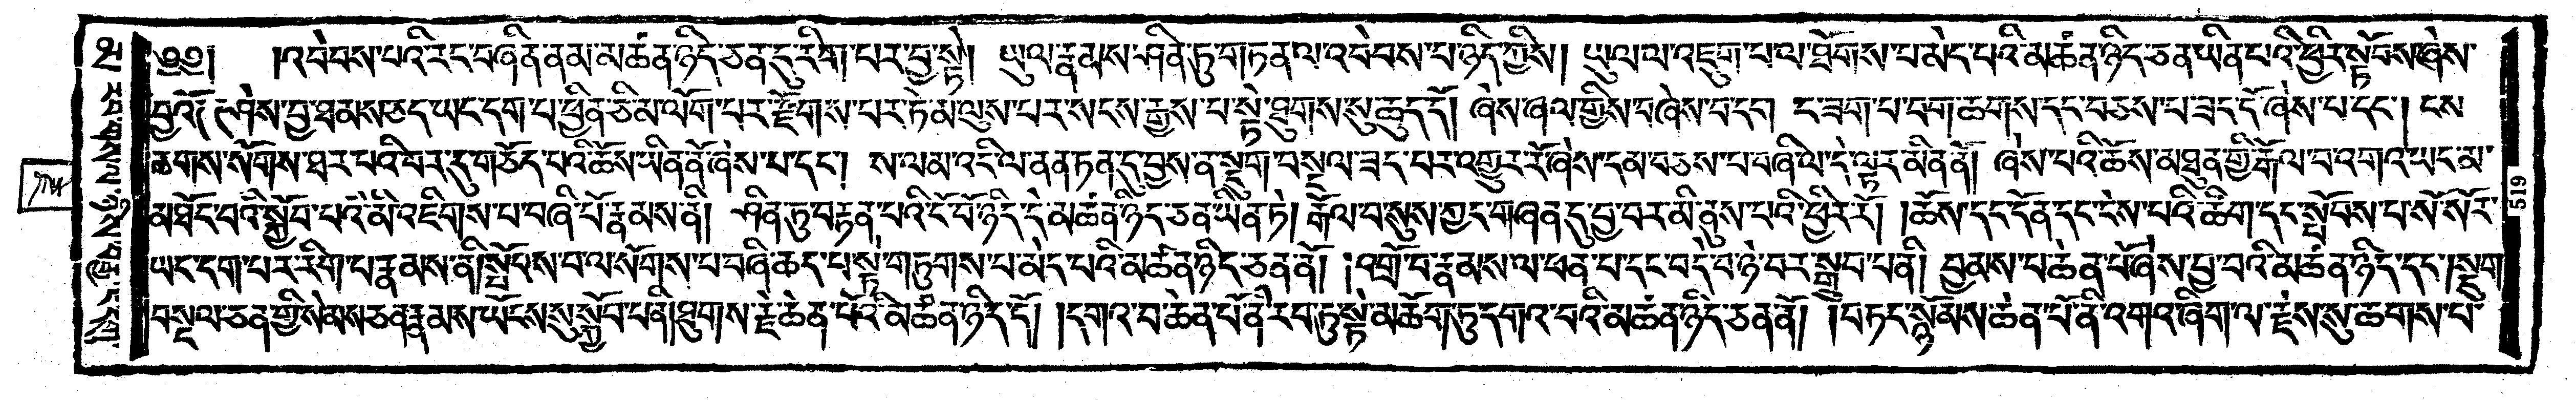༄༅། །འབེབས་པའི་རང་བཞིན་ནམ་མཚན་ཉིད་ཅན་དུ་རིག་པར་བྱ་སྟེ། ཡུལ་རྣམས་ཤིན་ཏུ་གཏན་ལ་འབེབས་པ་ཉིད་ཀྱིས། ཡུལ་ལ་འཇུག་པ་ལ་ཐོགས་པ་མེད་པའི་མཚན་ཉིད་ཅན་ཡིན་པའི་ཕྱིར་སྟོབས་ཞེས་
བྱའོ༑ ༑ཤེས་བྱ་ཐམས་ཅད་ཡང་དག་པ་ཕྱིན་ཅི་མ་ལོག་པར་རྫོགས་པར་ཏེ་མ་ལུས་པར་སངས་རྒྱས་པ་སྟེ་ཐུགས་སུ་ཆུད་དོ། ཞེས་ཞལ་གྱིས་བཞེས་པ་དང་། ང་ཟག་པ་བག་ཆགས་དང་བཅས་པ་ཟད་དོ་ཞེས་པ་དང་། ངས་
ཆགས་སོགས་ཐར་པའི་བར་དུ་གཅོད་པའི་ཆོས་ཡིན་ནོ་ཞེས་པ་དང་། ས་ལམ་འདི་ལ་ནན་ཏན་དུ་བྱས་ན་སྡུག་བསྔལ་ཟད་པར་འགྱུར་རོ་ཞེས་དམ་བཅས་པ་བཞི་ལ་དེ་ལྟར་མིན་ནོ། ཞེས་པའི་ཆོས་མཐུན་གྱི་རྒོལ་བ་འགའ་ཡང་མ་
མཐོང་བའི་སྐྱོབ་པའི་མི་འཇིགས་པ་བཞི་པོ་རྣམས་ནི། ཤིན་ཏུ་བརྟན་པའི་ངོ་བོ་ཉིད་དེ་མཚན་ཉིད་ཅན་ཡིན་ཏེ། རྒོལ་བ་སུས་ཀྱང་གཞན་དུ་བྱ་བར་མི་ནུས་པའི་ཕྱིར་རོ། །ཆོས་དང་དོན་དང་ངེས་པའི་ཚིག་དང་སྤོབས་པ་སོ་སོར་
ཡང་དག་པར་རིག་པ་རྣམས་ནི། སྤོབས་པ་ལ་སོགས་པ་བཞི་ཆད་པ་སྟེ་གཏུགས་པ་མེད་པའི་མཚན་ཉིད་ཅན་ནོ། །འགྲོ་བ་རྣམས་ལ་ཕན་པ་དང་བདེ་བ་ཉེ་བར་སྒྲུབ་པ་ནི། བྱམས་པ་ཆེན་པོ་ཞེས་བྱ་བའི་མཚན་ཉིད་དང་། སྡུག་
བསྔལ་ཅན་གྱི་སེམས་ཅན་རྣམས་ཡོངས་སུ་སྐྱོབ་པ་ནི། ཐུགས་རྗེ་ཆེན་པོའི་མཚན་ཉིད་དོ། །དགའ་བ་ཆེན་པོ་ནི་རབ་ཏུ་སྟེ་མཆོག་ཏུ་དགའ་བའི་མཚན་ཉིད་ཅན་ནོ། །བཏང་སྙོམས་ཆེན་པོ་ནི་འགའ་ཞིག་ལ་རྗེས་སུ་ཆགས་པ་